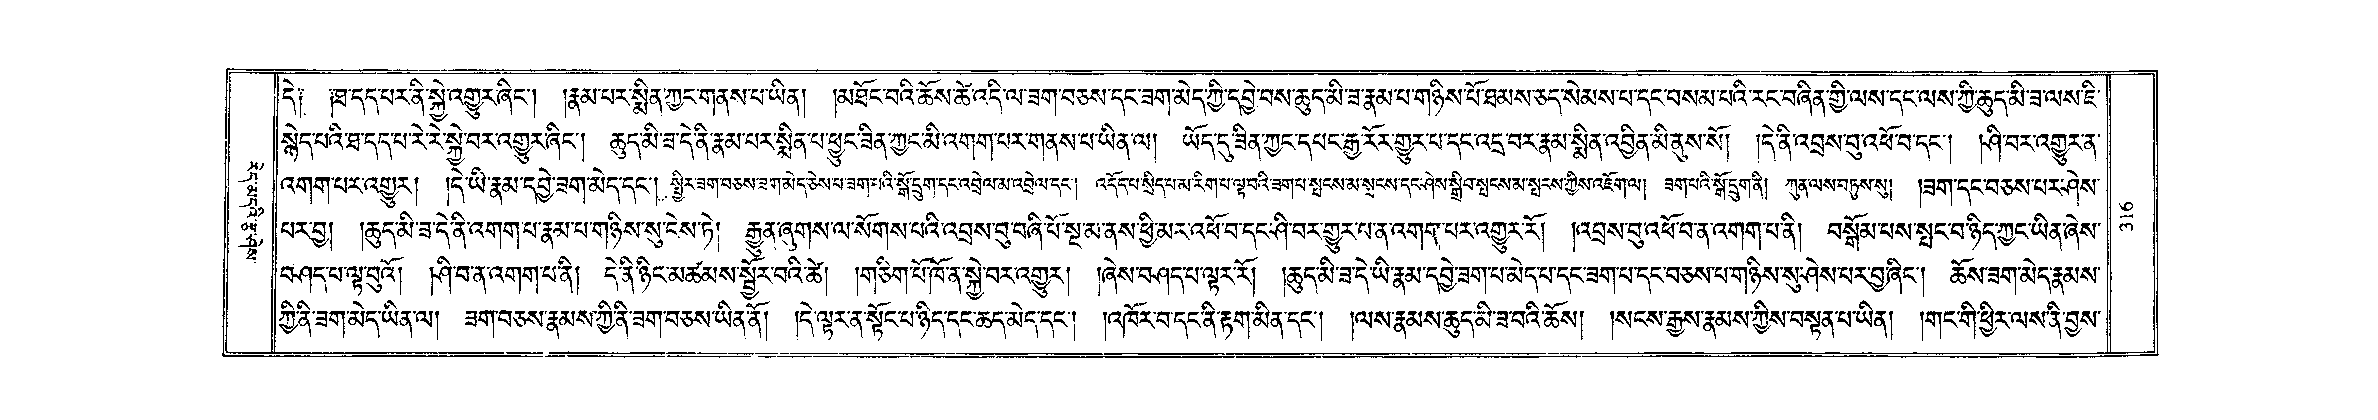དེ༑ ༑ཐ་དད་པར་ནི་སྐྱེ་འགྱུར་ཞིང་། །རྣམ་པར་སྨིན་ཀྱང་གནས་པ་ཡིན། །མཐོང་བའི་ཆོས་ཚེ་འདི་ལ་ཟག་བཅས་དང་ཟག་མེད་ཀྱི་དབྱེ་བས་ཆུད་མི་ཟ་རྣམ་པ་གཉིས་པོ་ཐམས་ཅད་སེམས་པ་དང་བསམ་པའི་རང་བཞིན་གྱི་ལས་དང་ལས་ཀྱི་ཆུད་མི་ཟ་ལས་ཇི་
སྙེད་པའི་ཐ་དད་པ་རེ་རེ་སྐྱེ་བར་འགྱུར་ཞིང་། ཆུད་མི་ཟ་དེ་ནི་རྣམ་པར་སྨིན་པ་ཕྱུང་ཟིན་ཀྱང་མི་འགག་པར་གནས་པ་ཡིན་ལ། ཡོད་དུ་ཟིན་ཀྱང་དཔང་རྒྱ་རོར་གྱུར་པ་དང་འདྲ་བར་རྣམ་སྨིན་འབྱིན་མི་ནུས་སོ། །དེ་ནི་འབྲས་བུ་འཕོ་བ་དང་། །ཤི་བར་འགྱུར་ན་
འགག་པར་འགྱུར། །དེ་ཡི་རྣམ་དབྱེ་ཟག་མེད་དང་། སྤྱིར་ཟག་བཅས་ཟག་མེད་ཅེས་པ་ཟག་པའི་སྒོ་དྲུག་དང་འབྲེལ་མ་འབྲེལ་དང་། འདོད་པ་སྲིད་པ་མ་རིག་པ་ལྟ་བའི་ཟག་པ་སྤངས་མ་སྤངས་དང་ཤེས་སྒྲིབ་སྤངས་མ་སྤངས་ཀྱིས་འཇོག་ལ། ཟག་པའི་སྒོ་དྲུག་ནི། ཀུན་ལས་བཏུས་སུ།  །ཟག་དང་བཅས་པར་ཤེས་
པར་བྱ། །ཆུད་མི་ཟ་དེ་ནི་འགག་པ་རྣམ་པ་གཉིས་སུ་ངེས་ཏེ། རྒྱུན་ཞུགས་ལ་སོགས་པའི་འབྲས་བུ་བཞི་པོ་སྔ་མ་ནས་ཕྱི་མར་འཕོ་བ་དང་ཤི་བར་གྱུར་པ་ན་འགའ་བར་འགྱུར་རོ། །འབྲས་བུ་འཕོ་བ་ན་འགག་པ་ནི། བསྒོམ་པས་སྤང་བ་ཉིད་ཀྱང་ཡིན་ཞེས་
བཤད་པ་ལྟ་བུའོ། །ཤི་བ་ན་འགག་པ་ནི། དེ་ནི་ཉིང་མཚམས་སྦྱོར་བའི་ཚེ། །གཅིག་པོ་ཁོ་ན་སྐྱེ་བར་འགྱུར། །ཞེས་བཤད་པ་ལྟར་རོ། །ཆུད་མི་ཟ་དེ་ཡི་རྣམ་དབྱེ་ཟག་པ་མེད་པ་དང་ཟག་པ་དང་བཅས་པ་གཉིས་སུ་ཤེས་པར་བྱ་ཞིང་། ཆོས་ཟག་མེད་རྣམས་
ཀྱི་ནི་ཟག་མེད་ཡིན་ལ། ཟག་བཅས་རྣམས་ཀྱི་ནི་ཟག་བཅས་ཡིན་ནོ། །དེ་ལྟར་ན་སྟོང་པ་ཉིད་དང་ཆད་མེད་དང་། །འཁོར་བ་དང་ནི་རྟག་མིན་དང་། །ལས་རྣམས་ཆུད་མི་ཟ་བའི་ཆོས། །སངས་རྒྱས་རྣམས་ཀྱིས་བསྟན་པ་ཡིན། །གང་གི་ཕྱིར་ལས་ནི་བྱས་